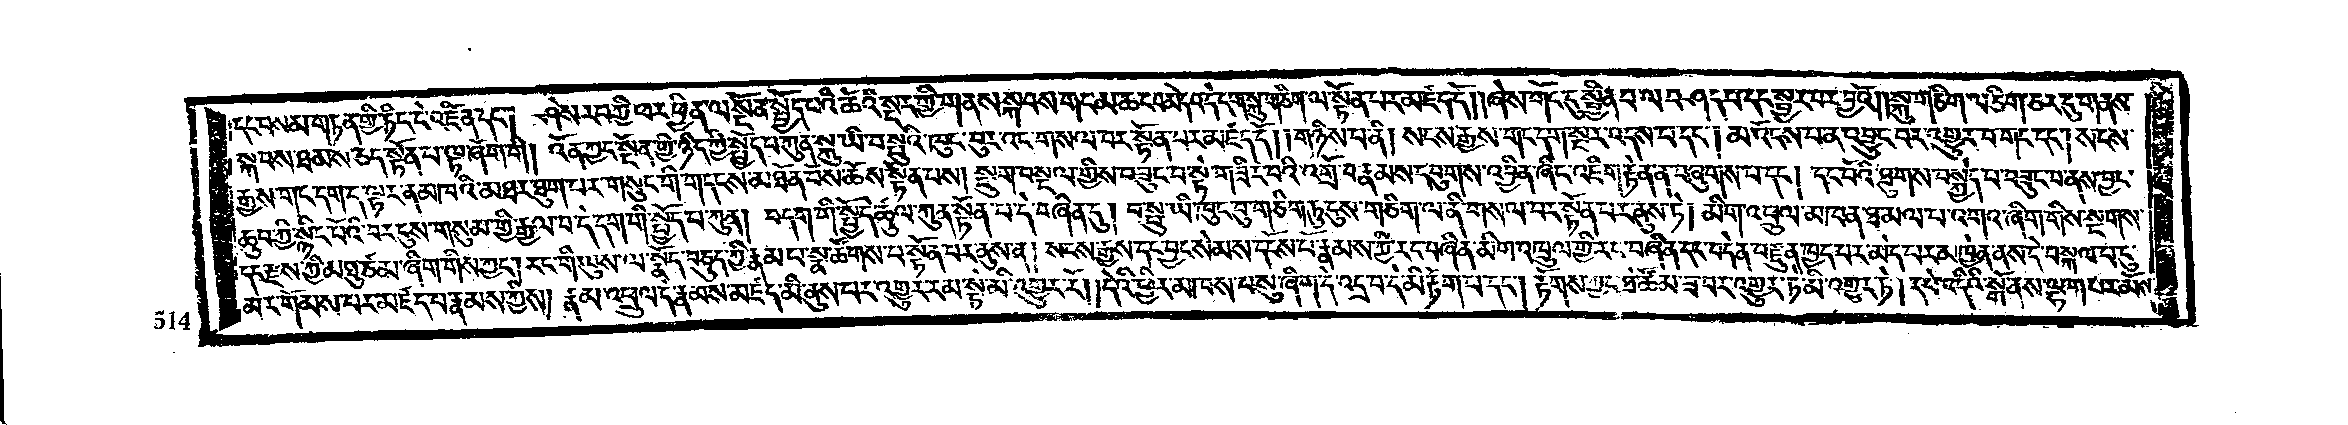དང་བསམ་གཏན་གྱི་ཏིང་ངེ་འཛིན་དང་། ཤེས་རབ་ཀྱི་ཕར་ཕྱིན་ལ་སྔོན་སྤྱོད་པའི་ཚེའི་སྔར་གྱི་གནས་སྐབས་གང་མ་ཚང་བ་མེད་པ་དེ་དག་སྐུ་གཅིག་ལ་སྟོན་པར་མཛད་དོ། །ཞེས་གོང་དུ་སྦྱིན་པ་ལ་བཤད་པ་དང་སྦྱར་བར་བྱའོ། །སྐུ་གཅིག་ལ་ཅིག་ཅར་དུ་གནས་
སྐབས་ཐམས་ཅད་སྟོན་པ་ལྟ་ཞོག་གི །འོན་ཀྱང་སྔོན་གྱི་ཉིད་ཀྱི་སྤྱོད་པ་ཀུན་སྐུ་ཡི་བ་སྤུའི་ཁུང་བུར་འང་གསལ་བར་སྟོན་པར་མཛད་དོ། །གཉིས་པ་ནི། སངས་རྒྱས་གང་དག་སྔར་འདས་བ་དང་། མ་འོངས་པ་ན་འབྱུང་བར་འགྱུར་བ་གང་དང་། སངས་
རྒྱས་གང་དག་ད་ལྟར་ནམ་མཁའི་མཐར་ཐུག་པར་གསུང་གི་གདངས་མཐོན་པོས་ཆོས་སྟོན་པས། སྡུག་བསྔལ་གྱིས་བཟུང་བ་སྟེ་གཟིར་པའི་འགྲོ་བ་རྣམས་དབུགས་འབྱིན་ཞིང་འཇིག་རྟེན་ན་བཞུགས་པ་དང་། དང་པོའི་ཐུགས་བསྐྱེད་པ་བཟུང་བ་ནས་བྱང་
ཆུབ་ཀྱི་སྙིང་པོའི་བར་དུས་གསུམ་གྱི་རྒྱལ་བ་དེ་དག་གི་སྤྱོད་པ་ཀུན། བདག་གི་སྤྱོད་ཚུལ་ཀུན་སྟོན་པ་དེ་བཞིན་དུ། བ་སྤུ་ཡི་ཁུང་བུ་གཅིག་ཏུ་དུས་གཅིག་ལ་ནི་གསལ་བར་སྟོན་པར་ནུས་ཏེ། མིག་འཕྲུལ་མཁན་ཐ་མལ་པ་འགའ་ཞིག་གིས་སྔགས་
དང་རྫས་ཀྱི་མཐུ་ཙམ་ཞིག་གིས་ཀྱང་། རང་གི་ལུས་ལ་སྣོད་བཅུད་ཀྱི་རྣམ་པ་སྣ་ཚོགས་པ་སྟོན་པར་ནུས་ན། སངས་རྒྱས་དང་བྱང་སེམས་དངོས་པོ་རྣམས་ཀྱི་རང་བཞིན་མིག་འཁྲུལ་གྱི་རང་བཞིན་དང་བདེན་བརྫུན་ཁྱད་པར་མེད་པར་མཁྱེན་ནས་དེ་བསྐལ་པ་དུ་
མར་གོམས་པར་མཛད་པ་རྣམས་ཀྱིས། རྣམ་འཕྲུལ་དེ་རྣམས་མཛད་མི་ནུས་པར་འགྱུར་རམ་སྟེ་མི་འགྱུར་རོ། །དེའི་ཕྱིར་མཁས་པ་སུ་ཞིག་དེ་འདྲ་བ་དེ་མི་རྟོག་པ་དང་། རྟོགས་ཀྱང་ཐེ་ཚོམ་ཟ་བར་འགྱུར་ཏེ་མི་འགྱུར་ཏེ། དཔེ་འདིའི་སྒོ་ནས་ལྷག་པར་མོས་